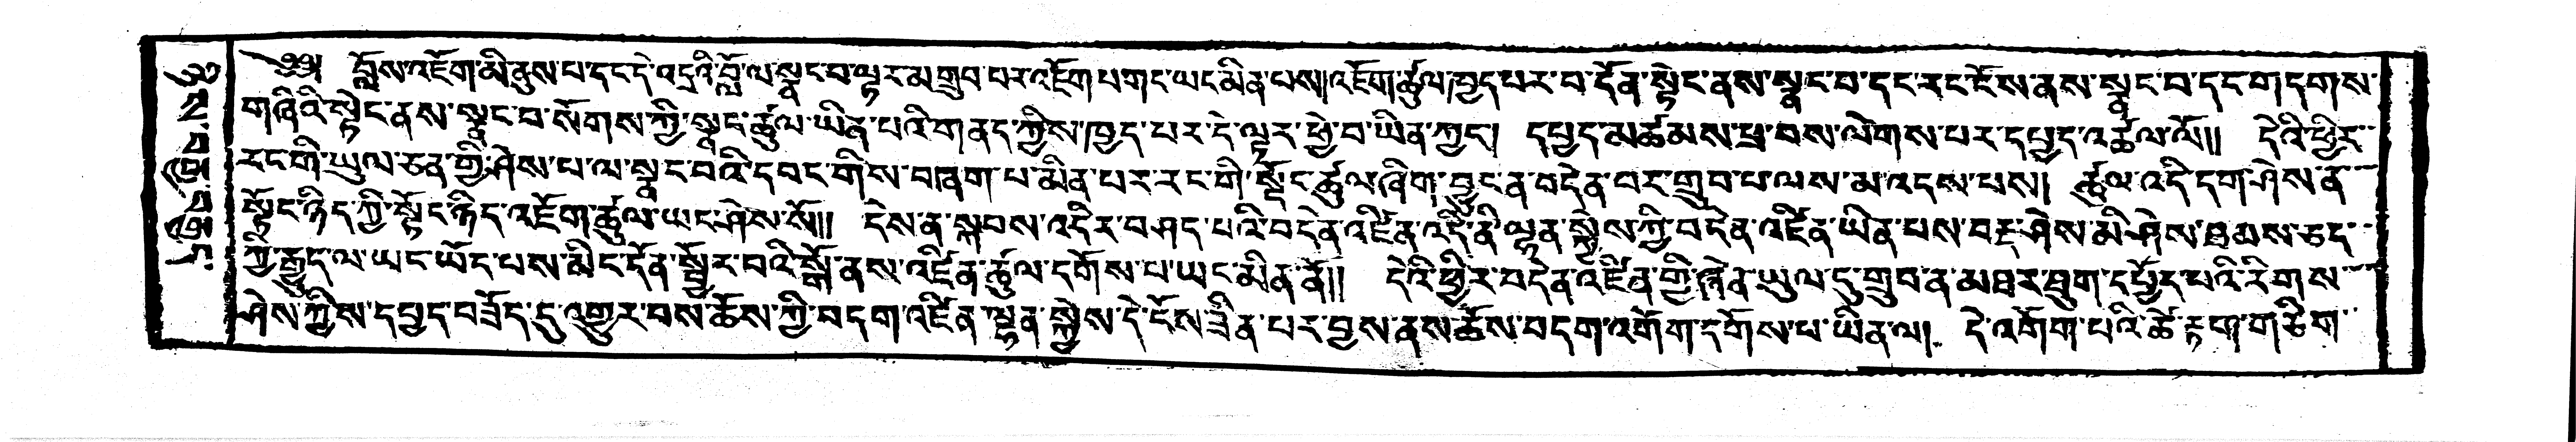༄༅། །བློས་འཇོག་མི་ནུས་པ་དང་དེ་འདྲའི་བློ་ལ་སྣང་བ་ལྟར་མ་གྲུབ་པར་འཇོག་པ་གང་ཡང་མིན་པས། འཇོག་ཚུལ་ཁྱད་པར་བ་དོན་སྟེང་ནས་སྣང་བ་དང་རང་ངོས་ནས་སྣང་བ་དང་གདགས་
གཞིའི་སྟེང་ནས་སྣང་བ་སོགས་ཀྱི་སྣང་ཚུལ་ཡིན་པའི་གནད་ཀྱིས་ཁྱད་པར་དེ་ལྟར་ཕྱེ་བ་ཡིན་ཀྱང་། དཔྱད་མཚམས་ཕྲ་བས་ལེགས་པར་དཔྱད་འཚལ་ལོ། །དེའི་ཕྱིར་
རང་གི་ཡུལ་ཅན་གྱི་ཤེས་པ་ལ་སྣང་བའི་དབང་གིས་བཞག་པ་མིན་པར་རང་གི་སྡོང་ཚུལ་ཞིག་བྱུང་ན་བདེན་པར་གྲུབ་པ་ལས་མ་འདས་པས། ཚུལ་འདི་དག་ཤེས་ན་
སྟོང་ཉིད་ཀྱི་སྟོང་ཉིད་འཇོག་ཚུལ་ཡང་ཤེས་སོ། །དེས་ན་སྐབས་འདིར་བཤད་པའི་བདེན་འཛིན་འདི་ནི་ལྷན་སྐྱེས་ཀྱི་བདེན་འཛིན་ཡིན་པས་བརྡ་ཤེས་མི་ཤེས་ཐམས་ཅད་
ཀྱི་རྒྱུད་ལ་ཡང་ཡོད་པས་མིང་དོན་སྦྱོར་བའི་སྒོ་ནས་འཛིན་ཚུལ་དགོས་པ་ཡང་མིན་ནོ། །དེའི་ཕྱིར་བདེན་འཛིན་གྱི་ཞེན་ཡུལ་དུ་གྲུབ་ན་མཐར་ཐུག་དཔྱོད་པའི་རིགས་
ཤེས་ཀྱིས་དཔྱད་བཟོད་དུ་འགྱུར་བས་ཆོས་ཀྱི་བདག་འཛིན་ལྷན་སྐྱེས་དེ་ངོས་ཟིན་པར་བྱས་ནས་ཆོས་བདག་འགོག་དགོས་པ་ཡིན་ལ། དེ་འགོག་པའི་ཚེ་རྟག་གཅིག་